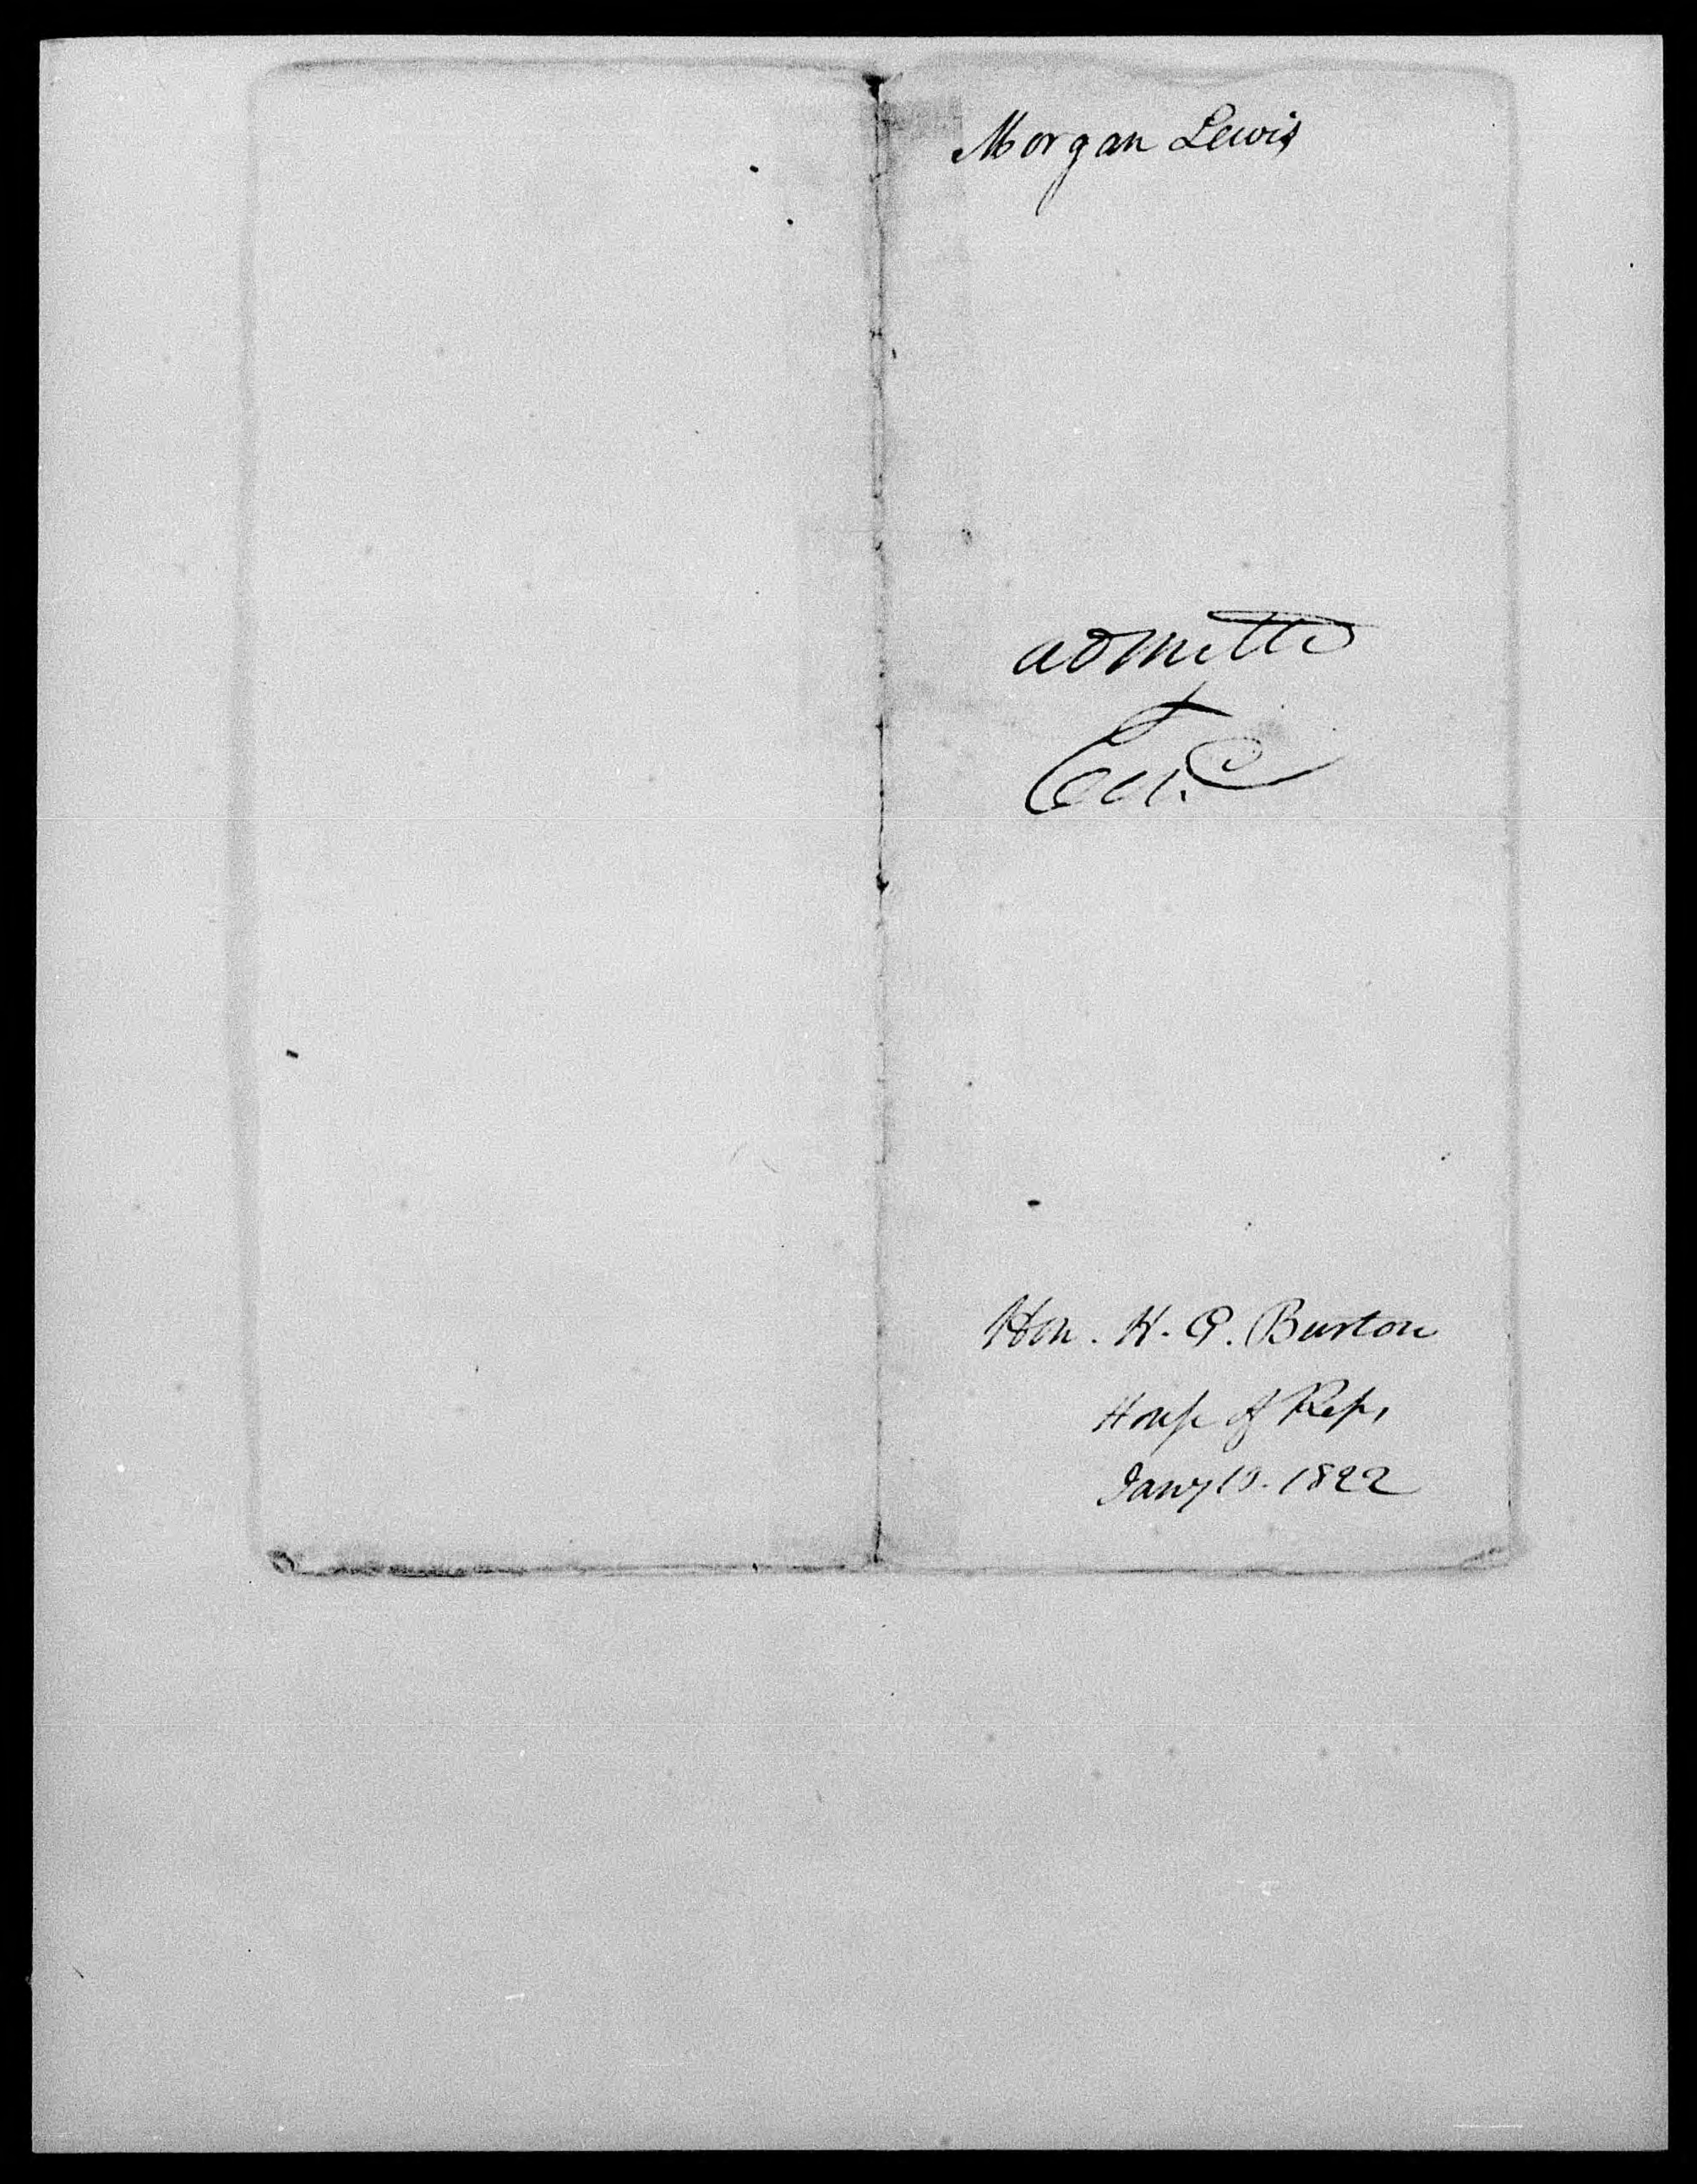Morgan Lewis
admitted[?]
[illegible]
Hon. H.G. Burton
House of Rep,
Jany 10. 1822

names: H G Barton; Morgan Lewis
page: 4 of 7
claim: survivor's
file: S. 41766, for Morgan Lewis, North Carolina